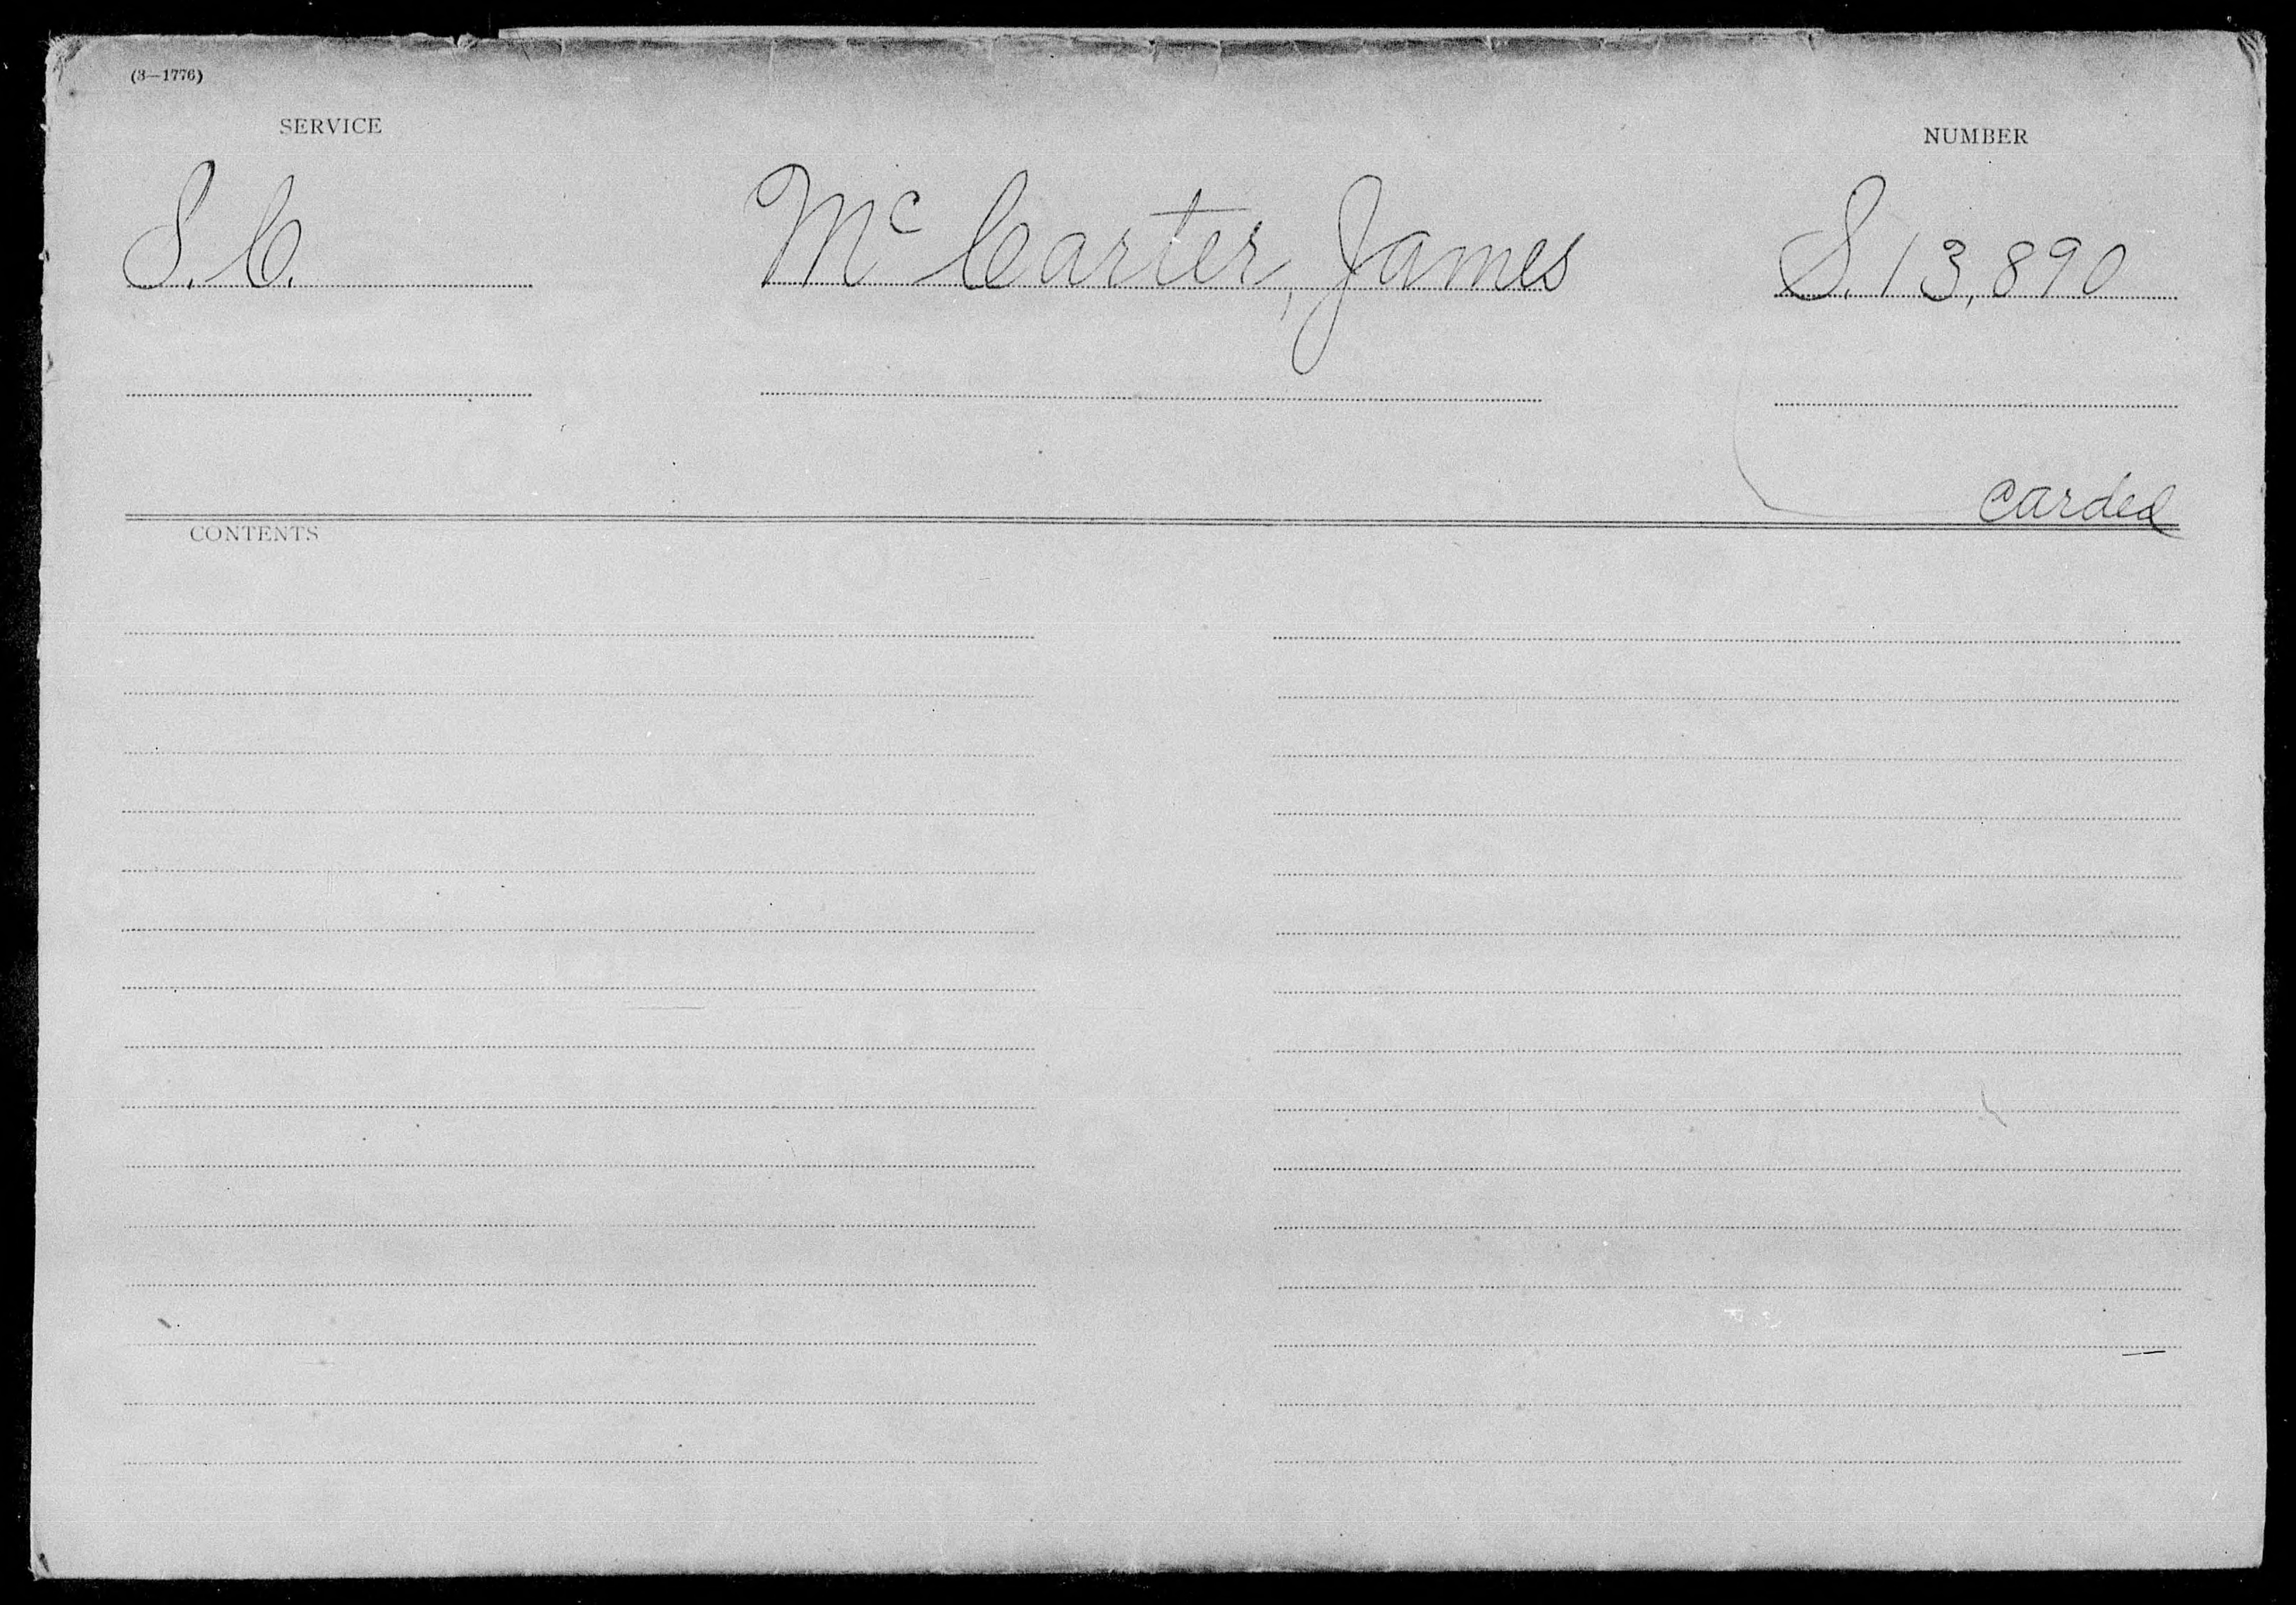(3-1776)
SERVICE                                                NUMBER
S.C.   McCarter, James                           S.13,890
                                                              carded 
CONTENTS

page: 1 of 45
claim: survivor's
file: S. 13,890, for James Mc Carter, South Carolina